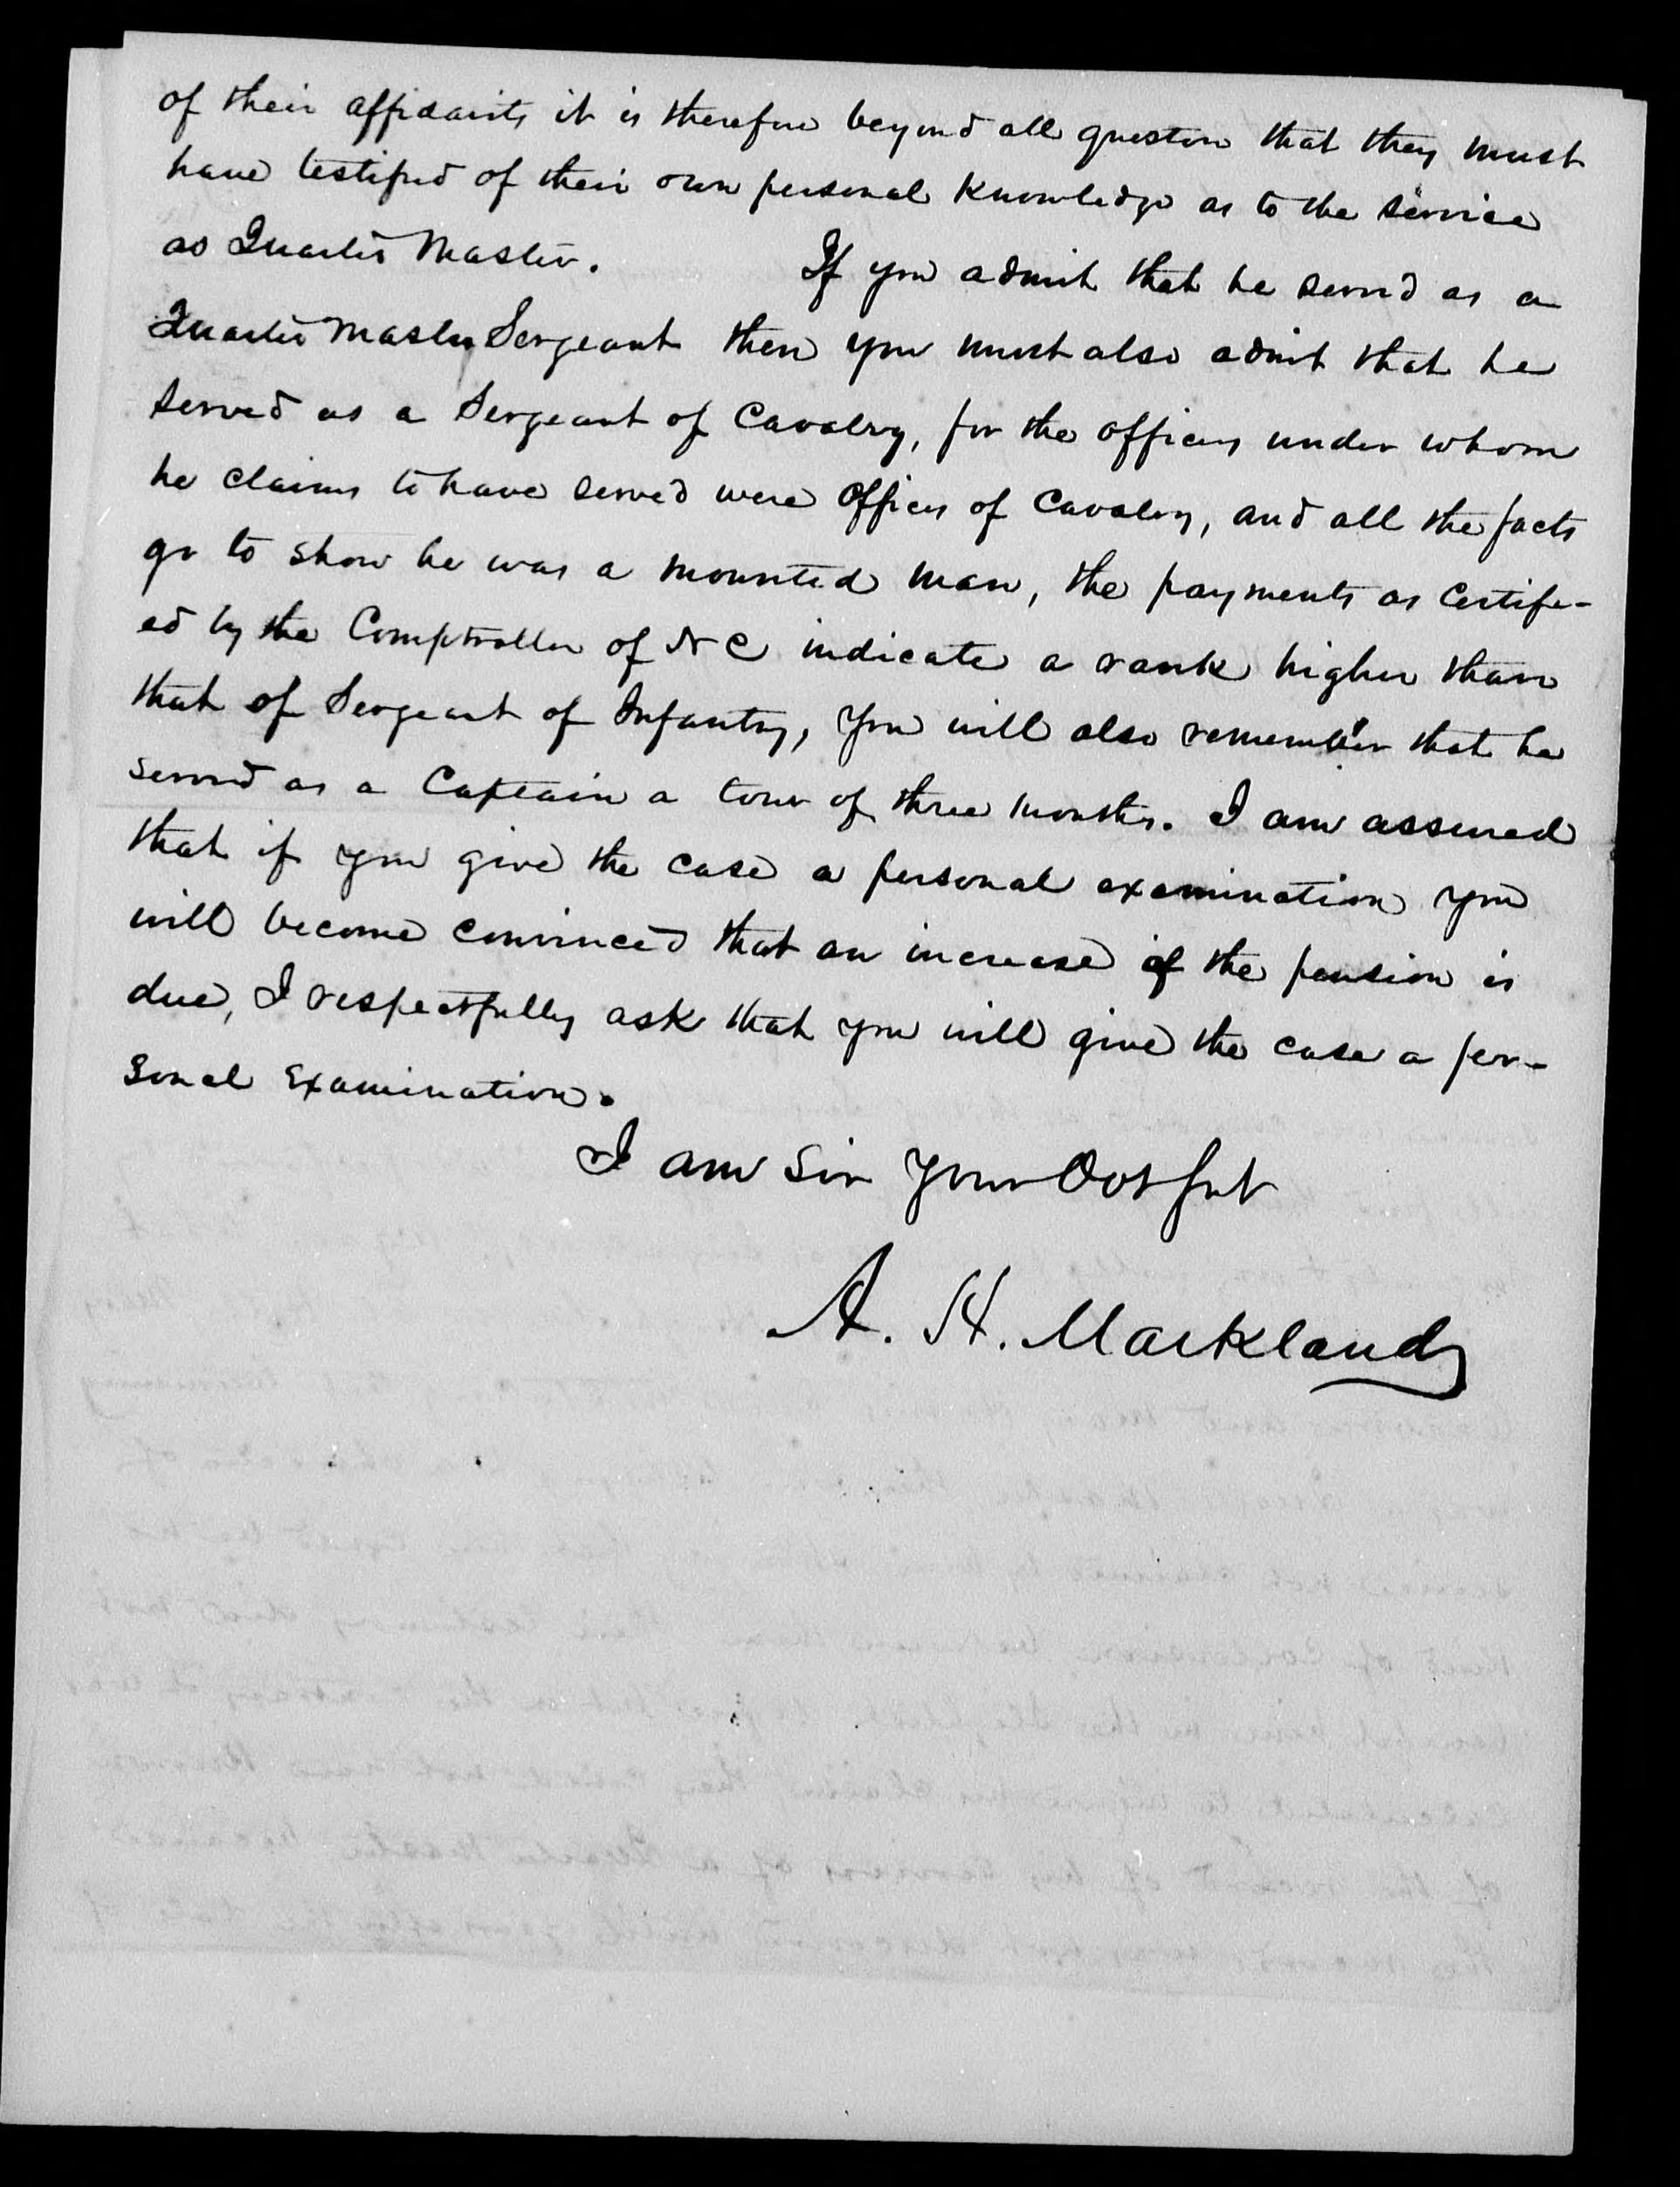[Continuation of a handwritten letter.  Occasional spacing has been included to make the long text block easier to read.]]

of their affidavits   it is therefore beyond all question that they must have testified of their own personal Knowledge as to the Service as Quarter Master.

If you admit that he served as a Quarter Master Serjeant [or Sergeant] then you must also admit that he Served as a Serjeant [or Sergeant] of Cavalry, for the officers under whom he claims to have served were Officers of Cavalry, and all the facts go to show he was a mounted man, the payments as Certificates by the Comptroller of NC indicate a rank higher than that of Sergeant of Infantry,

You will also remember that he served as a Captain a tour of three months.  I am assured that if you give the case a personal examination you will become convinced that an increase of the pension is due, I respectfully ask that you will give the case a personal Examination.  

I am Sir your Obt Svt [Obedient Servant]
A. H. Markland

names: A H Markland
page: 36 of 145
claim: survivor's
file: S. 8265, William Cumming, N.C.